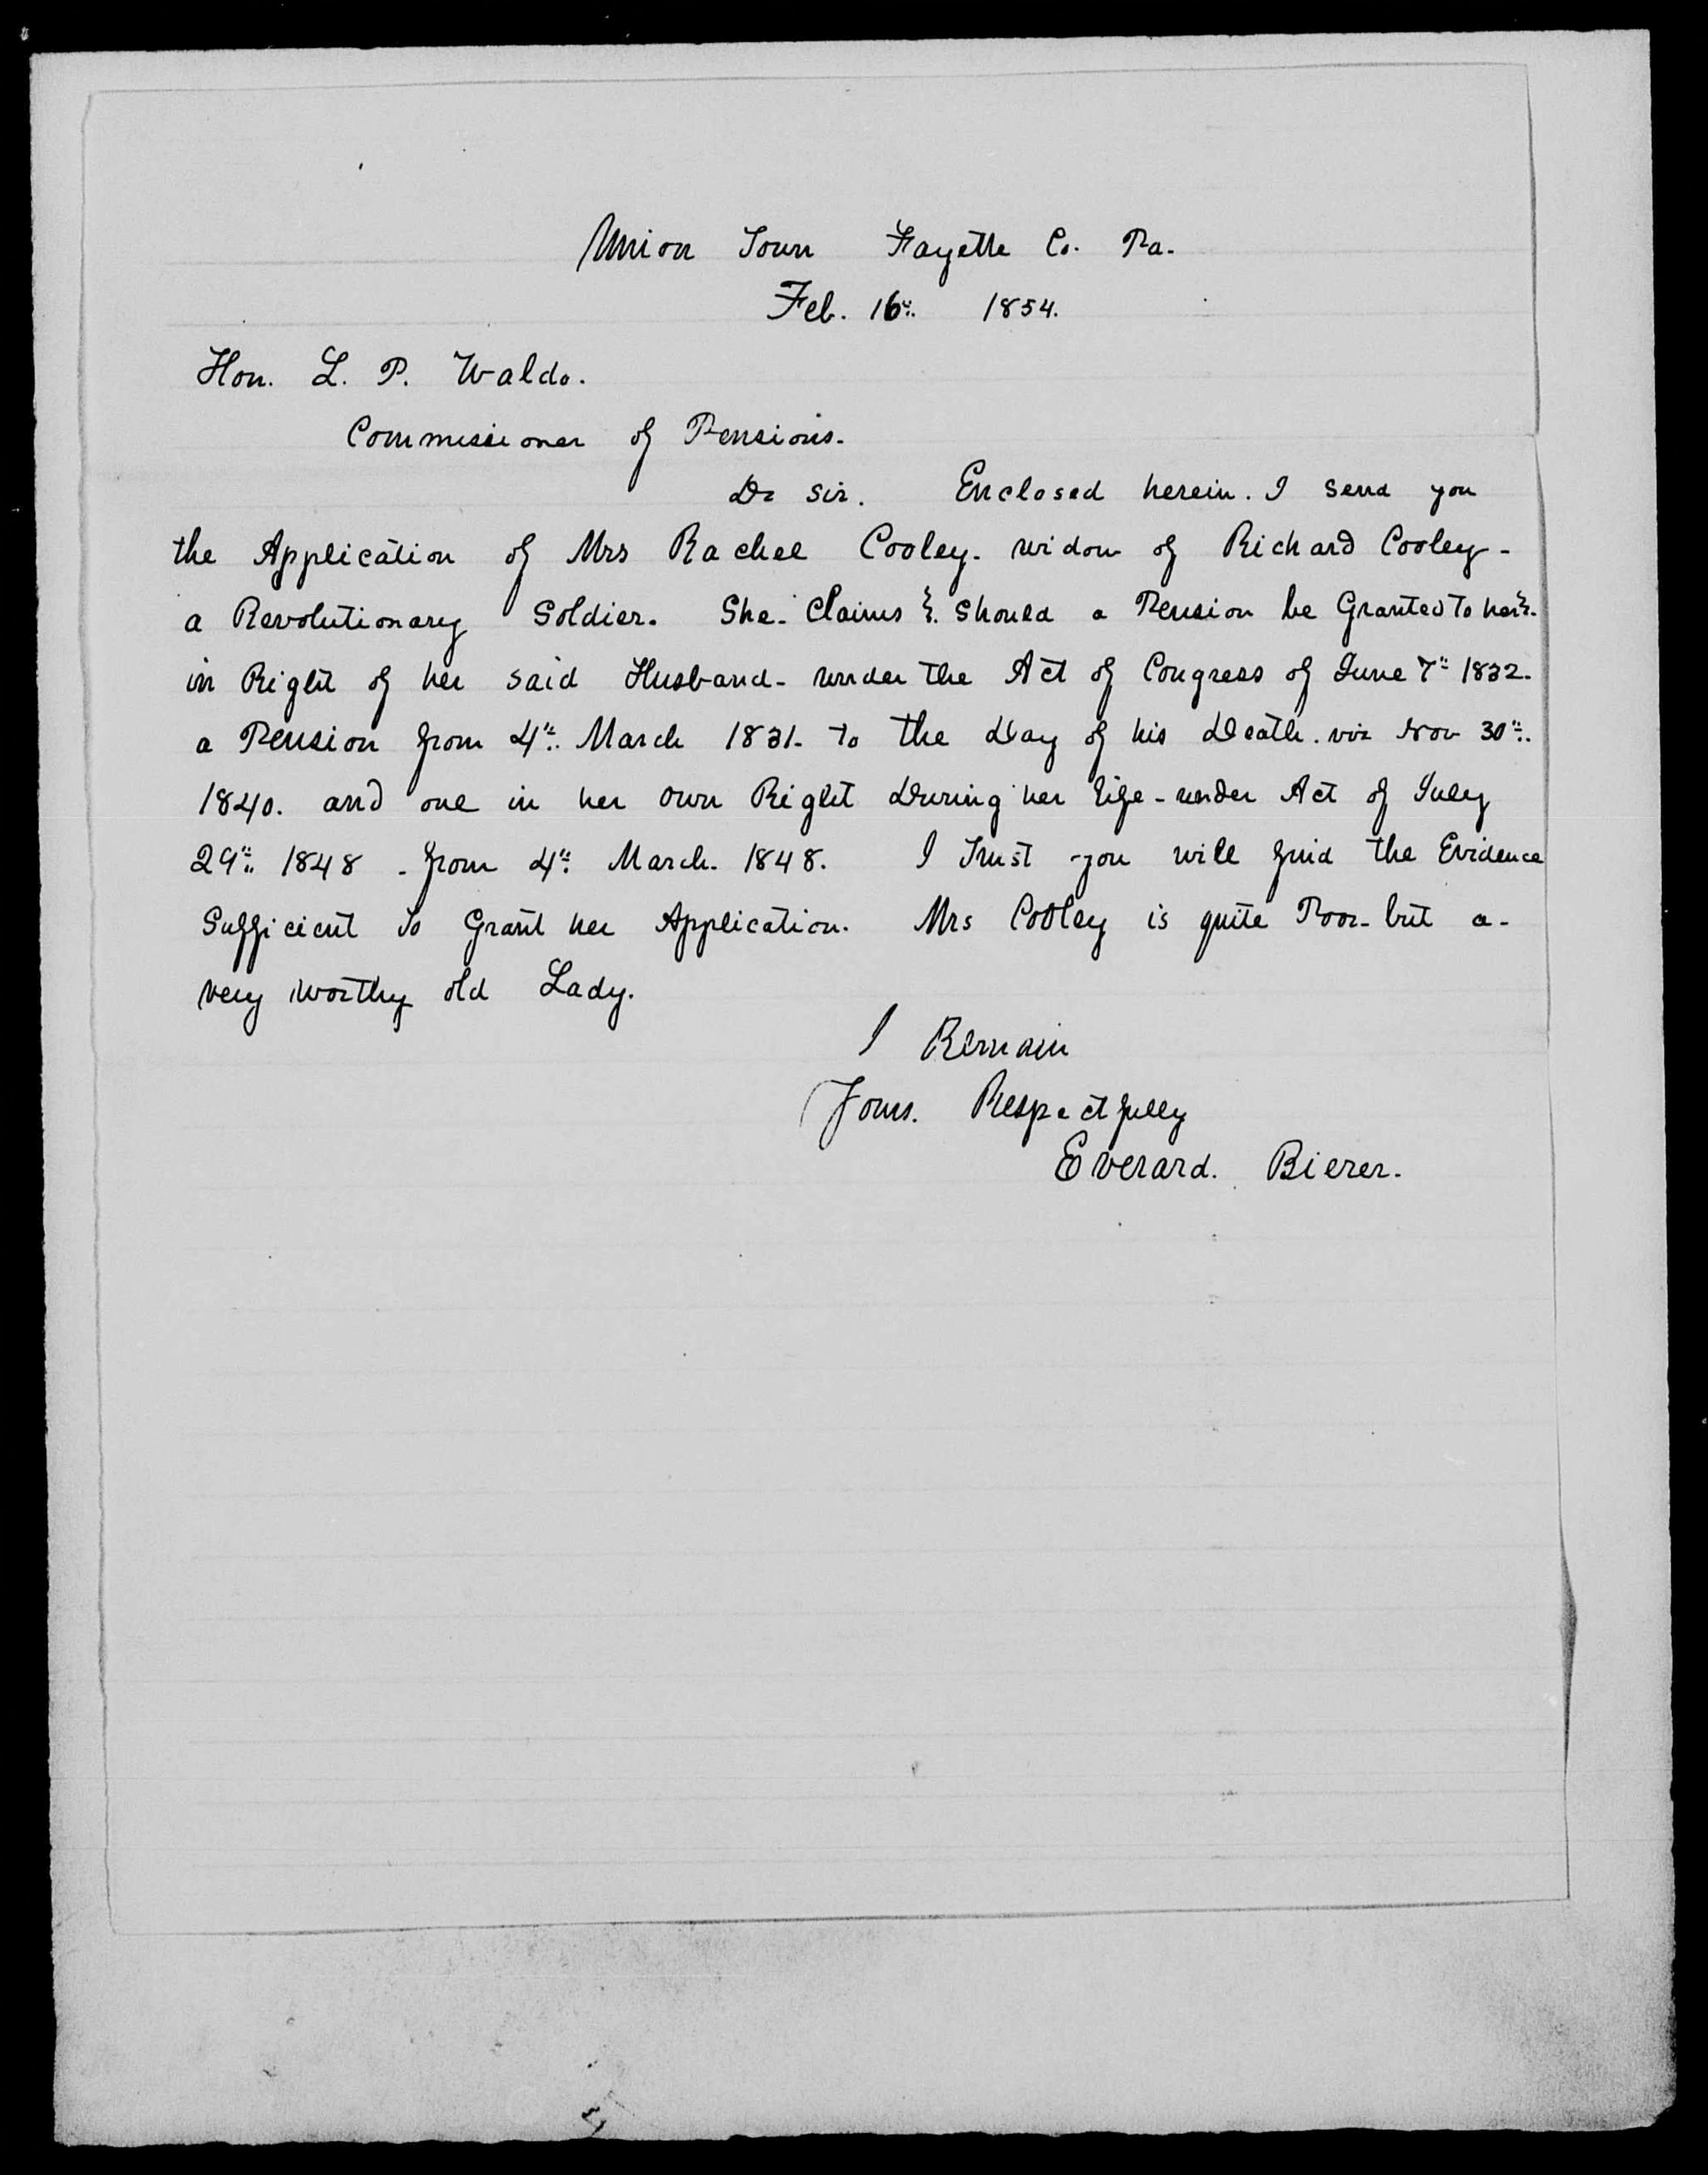Union Town  Fayette Co. Pa.
Feb. 16, 1854.
Hon. L. P. Waldo.
Commissioner of Pensions.
Dr Sir.
Enclosed herein I send you the Application of Mrs Rachel Cooley. widow of Richard Cooley- a Revolutionary Soldier. She. claims (should a Pension be Granted to her). in Right of her said Husband_ under the Act of Congress of June 7th 1832. a Pension from 4. March 1831. to the Day of his Death. viz Nov 30. 1840. and one in her own Right During her life - under Act of July 29 1848 - from 4 March 1848.  I Trust you will find the Evidence Sufficient to grant her Application.  Mrs Cooley is quite poor- but a very worthy old Lady.
I Remain Yours. Respectfully
Everard. Bierer.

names: L P Waldo, Everard Bierer, Richard Cooley, Rachel Cooley, Cooley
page: 18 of 19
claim: rejected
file: R. 2,283, Richard Cooley, Md.